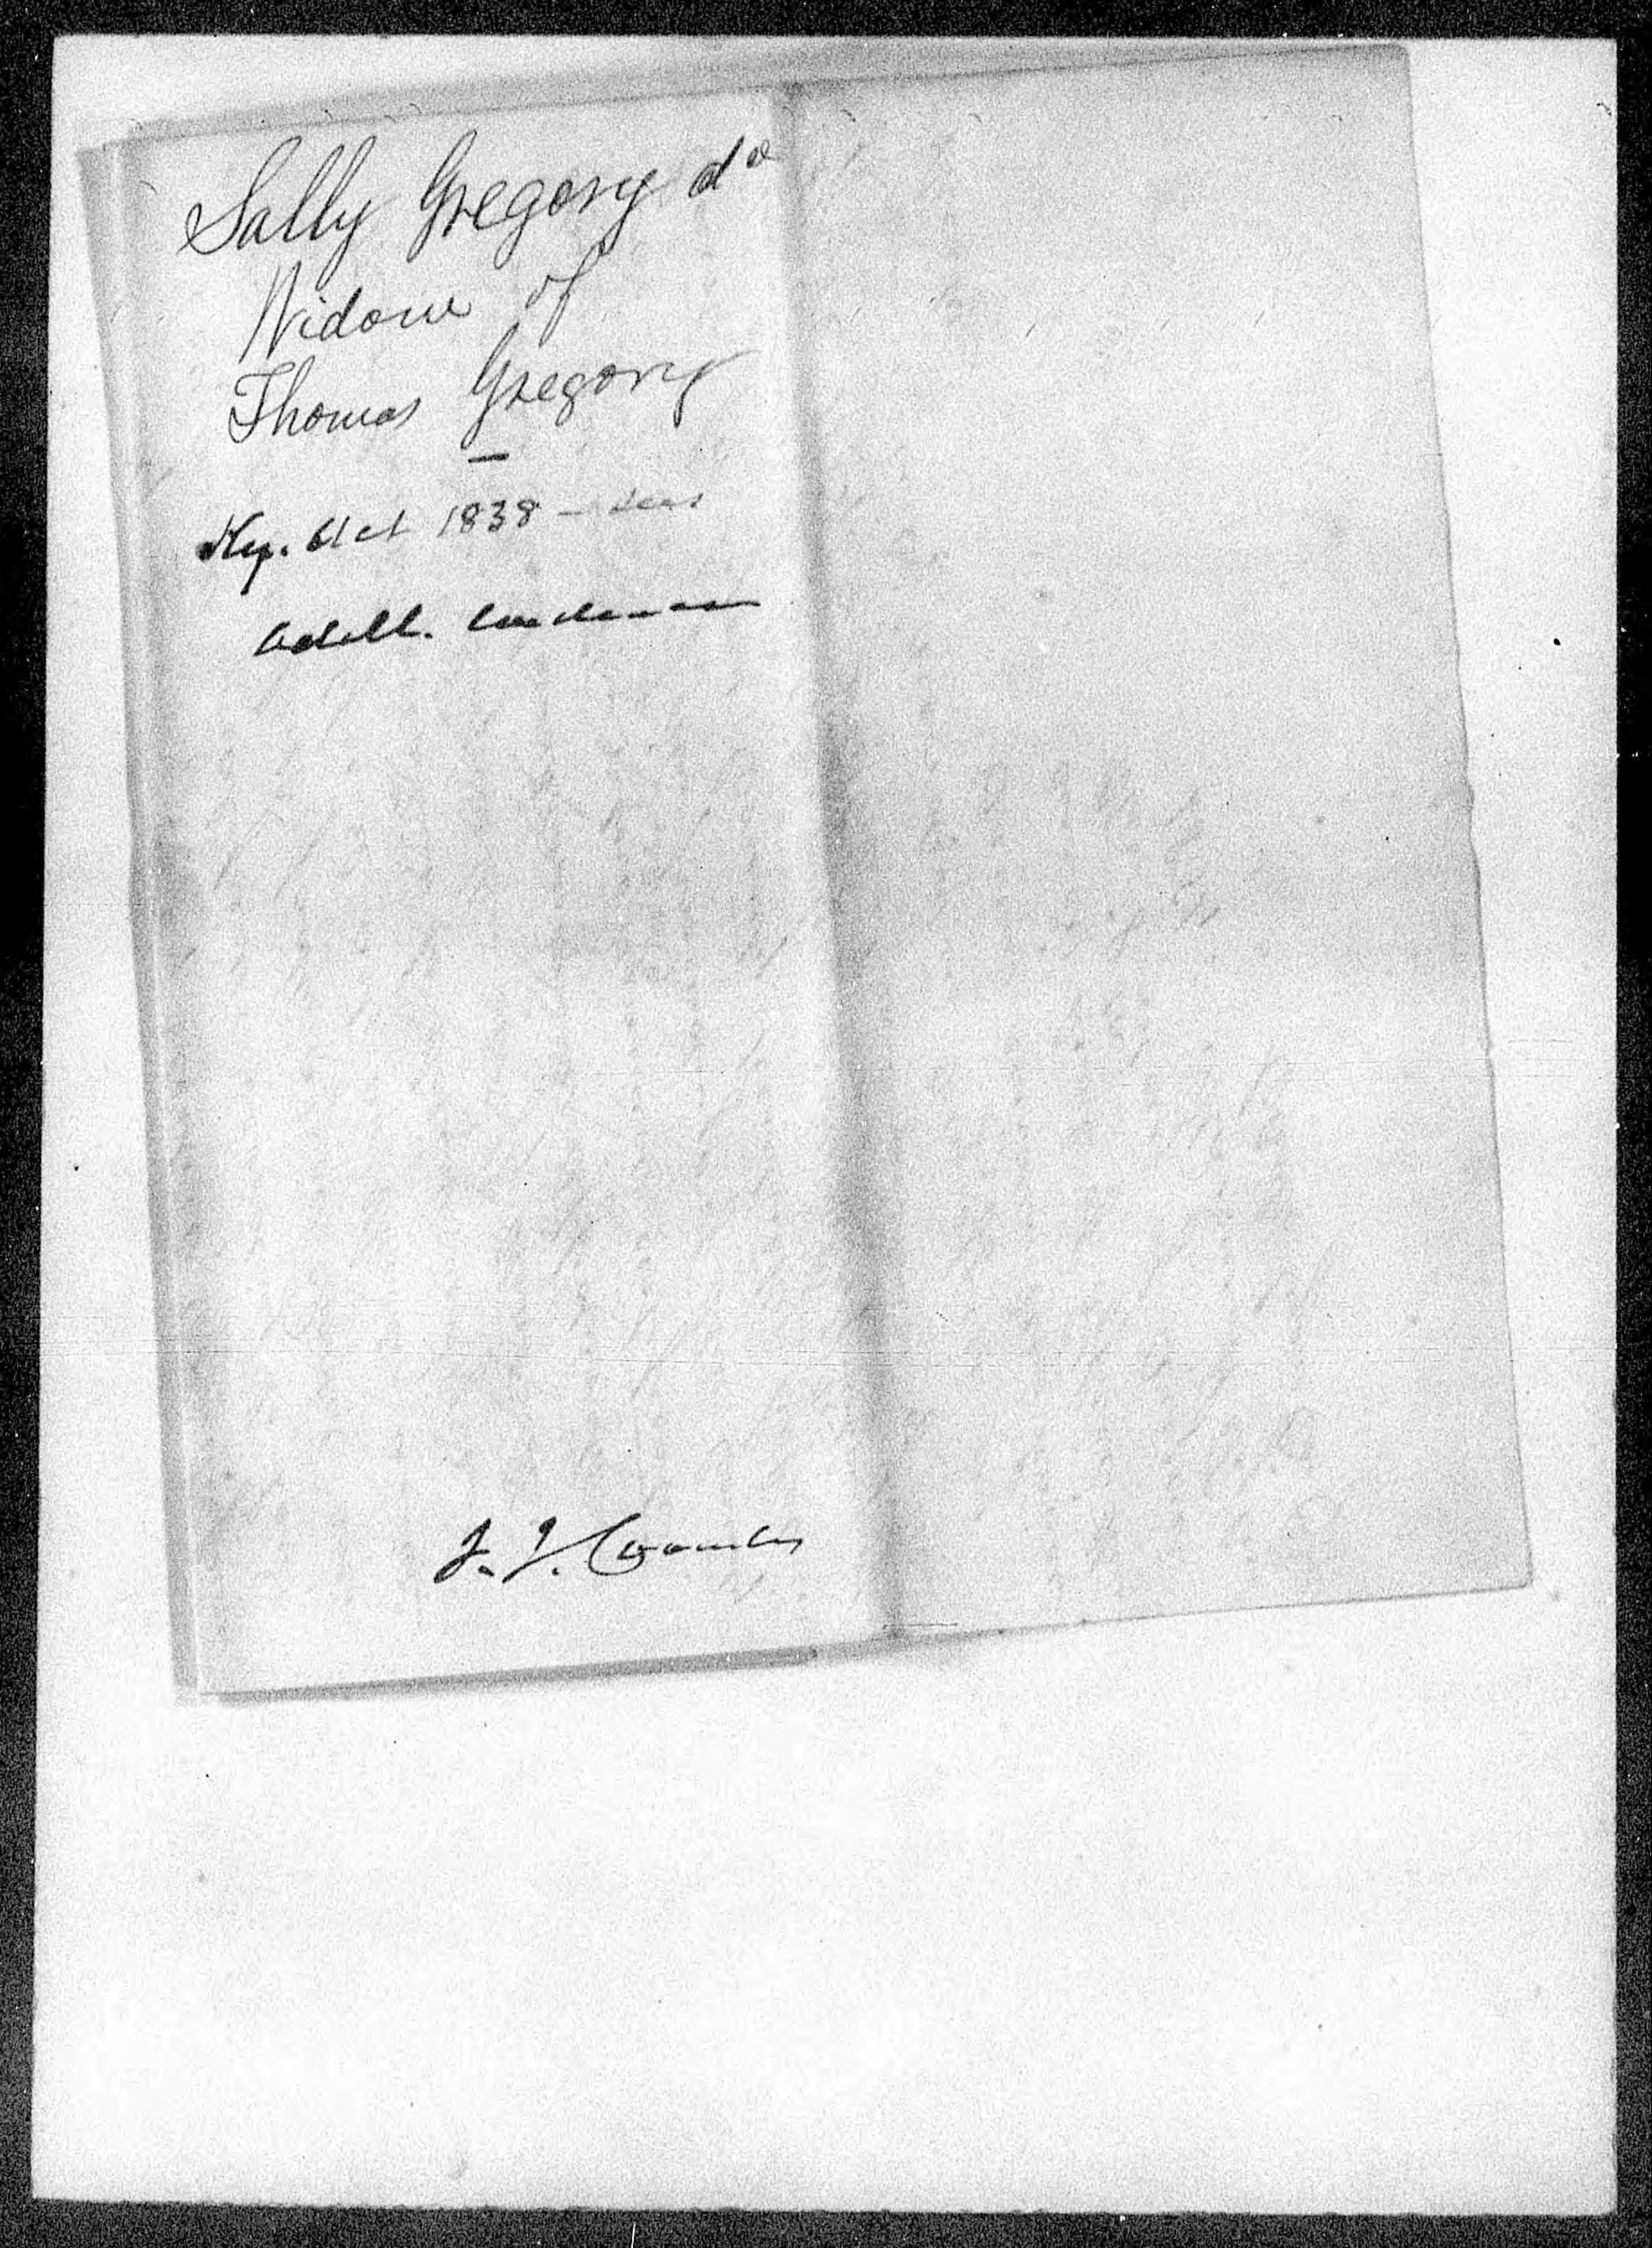Sally Gregory dc'd
Widow of
Thomas Gregory
Ky. Act 1838--[?]
Cabell [?]

J. J. Coombs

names: Sally Gregory, Thomas Gregory, J J Coombs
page: 52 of 75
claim: widow's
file: W. 8876, Thomas Gregory, Continental Va